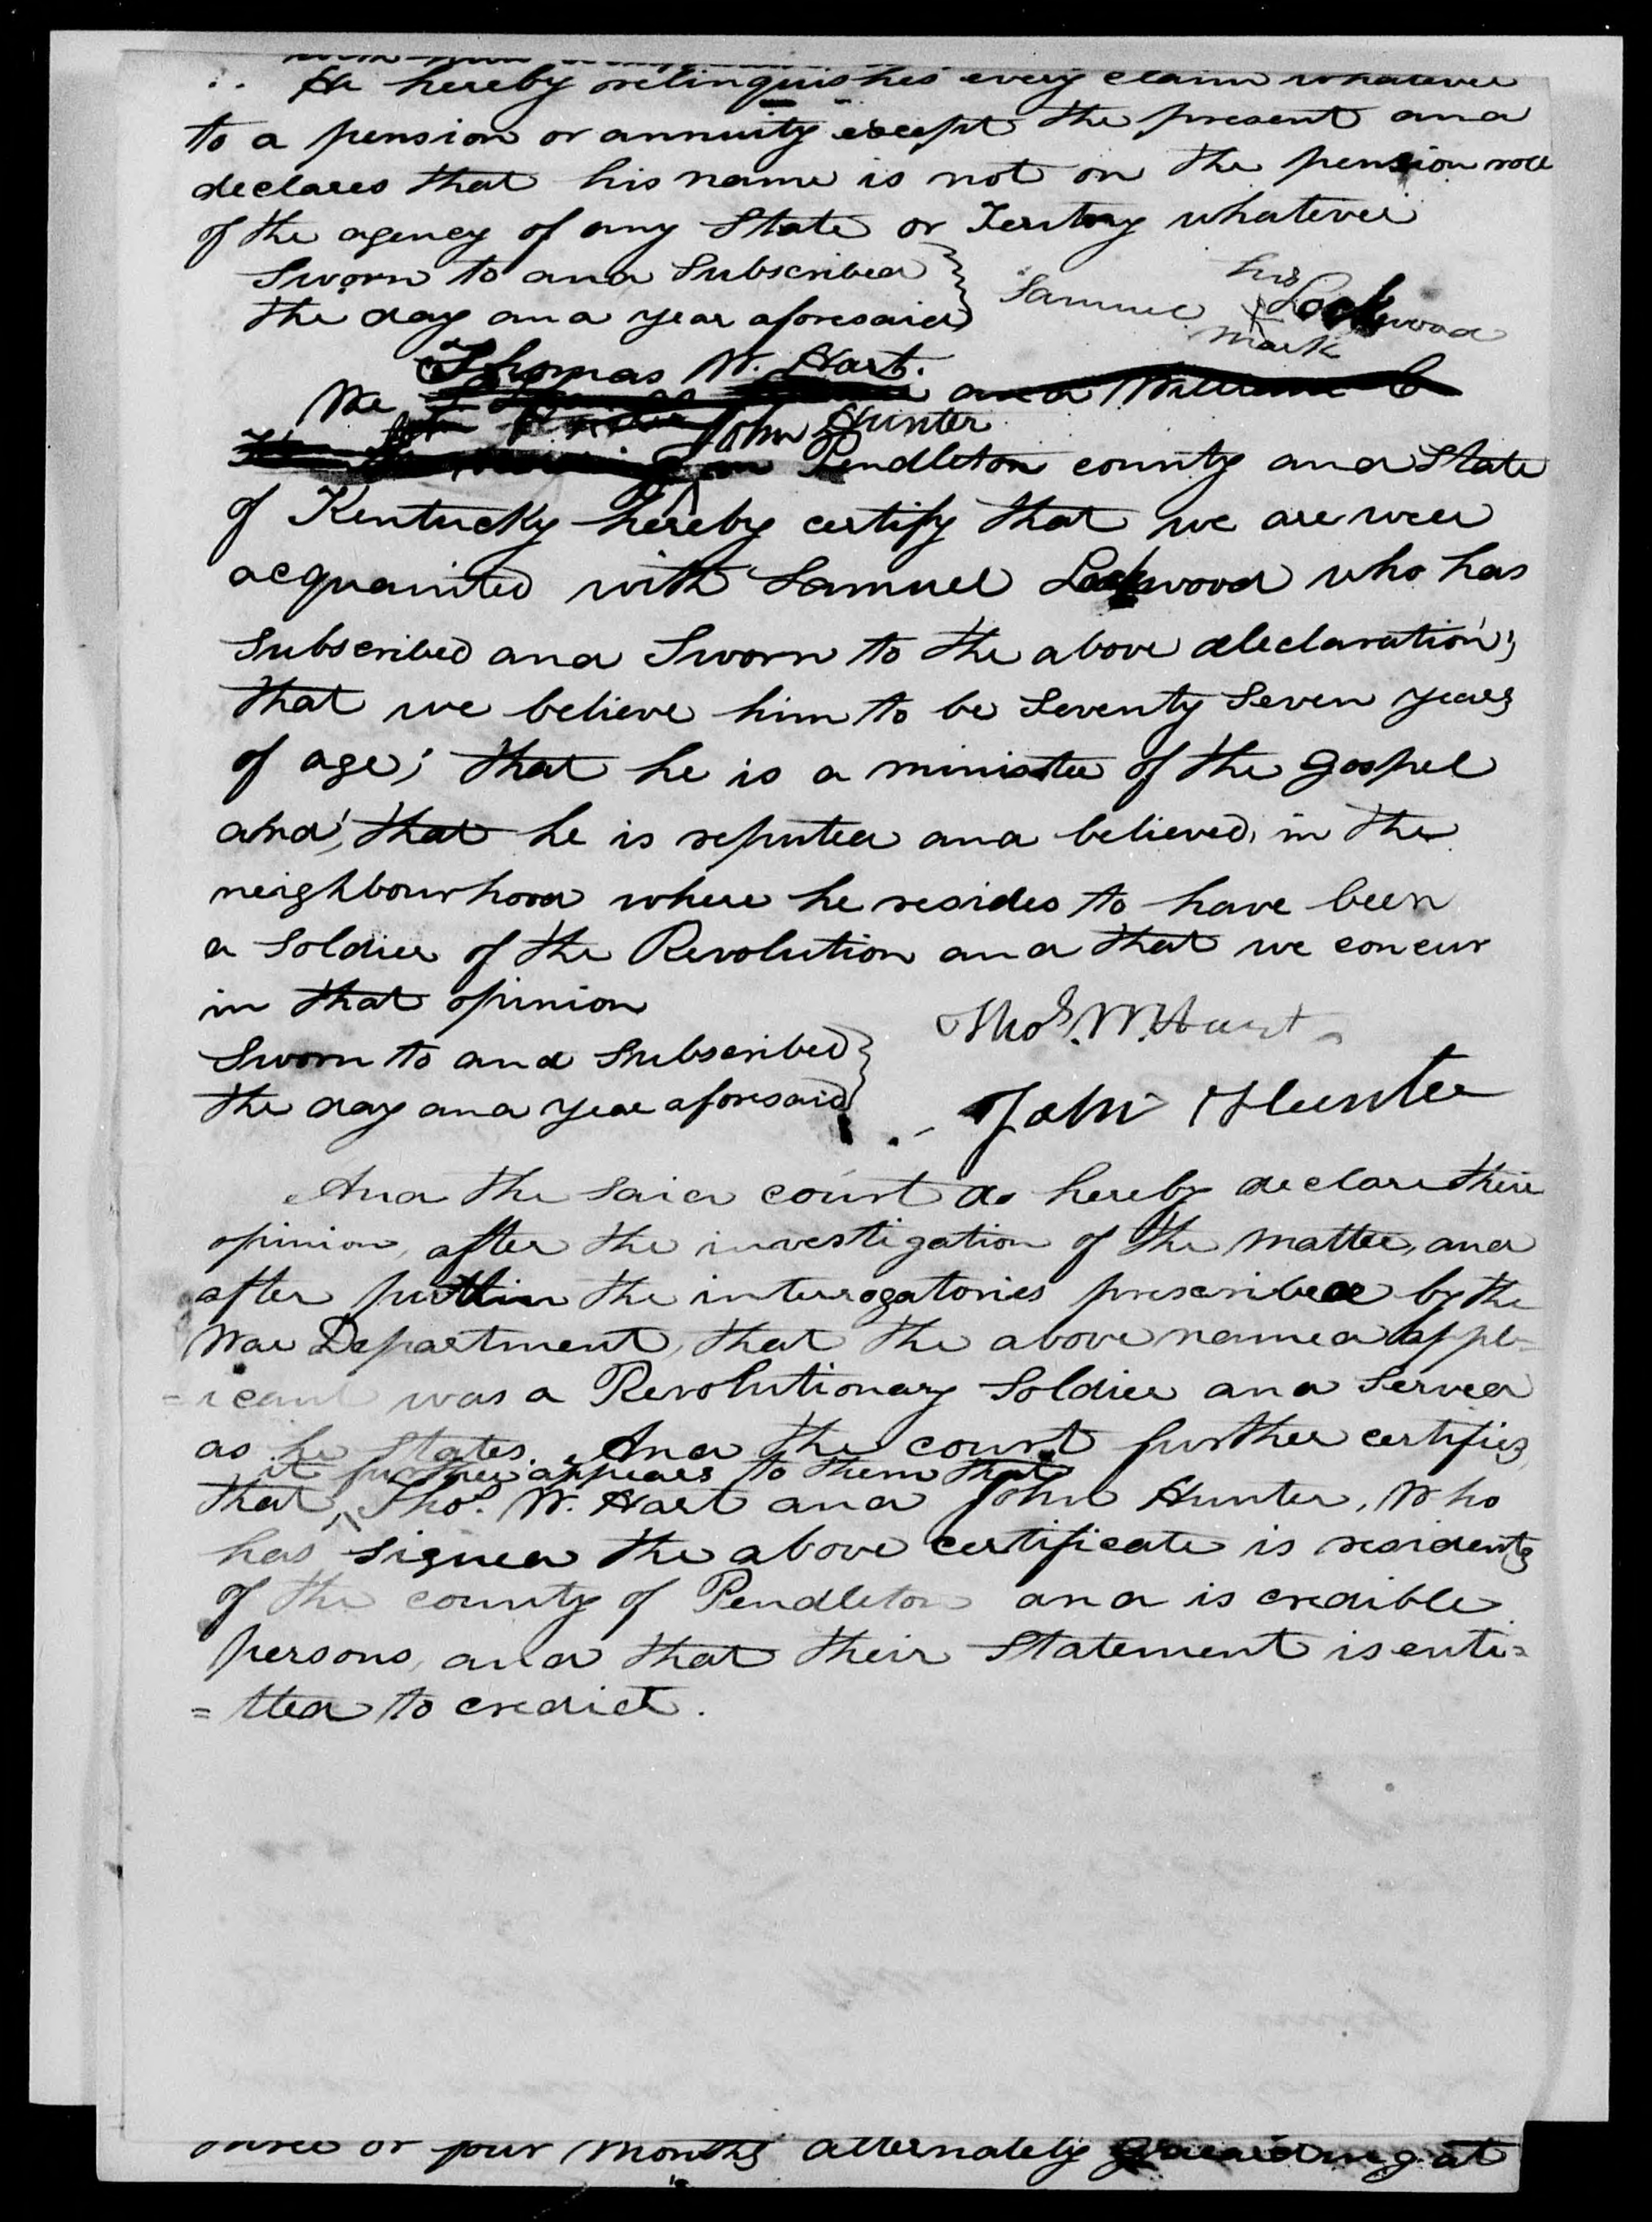He hereby relinquishes every claim whatever to a pension or annuity except the present and declares that his name is not on the pension roll of the agency of any state or territory whatever.
Sworn to and subscribed the day and year aforesaid

Samuel Lockwood (his mark)

Mr. Thomas W Hart, John Hunter, Pendleton county and state of Kentucky hereby certify that we are well acquainted with Samuel Lockwood who has subscribed and sworn to the above declaration , that we believe him to be seventy seven years of age; that he is a minister of the gospel and, that he is respected and believed in the neighborhood where he resides to have been a soldier of the revolution and the we concur in that opinion.
Sworn to and subscribed the day and year aforesaid
(Signatures) Thomas Hart, John Hunter

And the said court do hereby declare there opinion after the investigation of the matter and after further the interogatories prescribed by the war department that the above named applicant was a Revolutionary Soldier and served as he states.  And the court further certifies that it appears to them that Thos. W. Hart and John Hunter who has signed the above certificate is residents of the county of Pendleton and is credible persons and that their statement is written to credit.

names: Thomas W Hart; John Hunter; Samuel Lockwood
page: 13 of 25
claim: survivor's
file: S. 13789, for Samuel Lockwood, Delaware